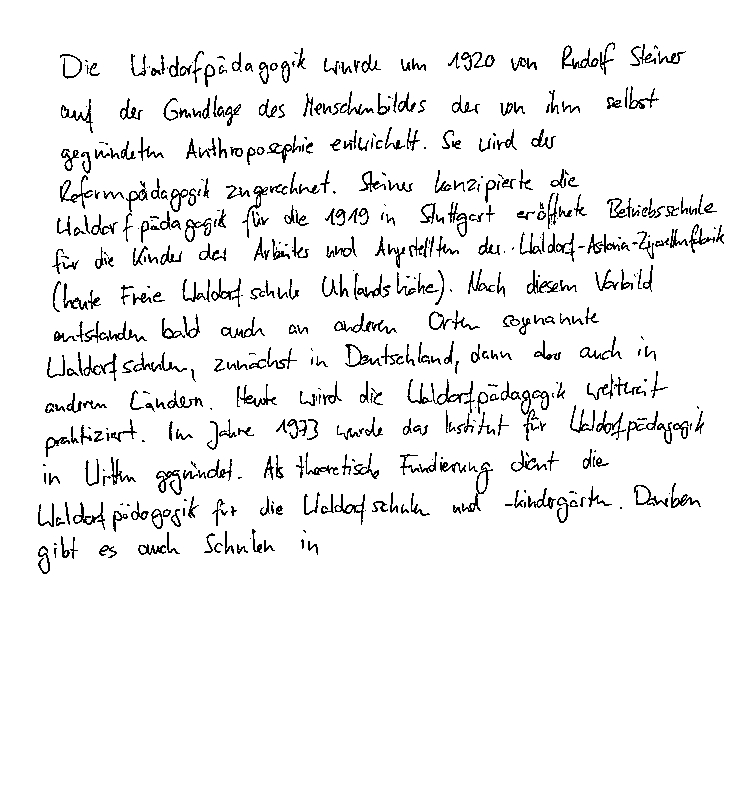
Die Waldorfpädagogik wurde um 1920 von Rudolf Steiner
auf der Grundlage des Menschenbildes der von ihm selbst
begründeten Anthroposophie entwickelt. Sie wird der
Reformpädagogik zugerechnet. Steiner konzipierte die
Waldorfpädagogik für die 1919 in Stuttgart eröffnete Betriebsschule
ür die Kinder der Arbeiter und Angestellten der Waldorf-Astoria-Zigarettenfabrik
(heute Freie Waldorfschule Uhlandshöhe). Nach diesem Vorbild
entstanden bald auch an anderen Orten sogenannte
Waldorfschulen, zunächst in Deutschland, dann aber auch in
anderen Ländern. Heute wird die Waldorfpädagogik weltweit
praktiziert. Im Jahre 1973 wurde das Institut für Waldorf-Pädagogik
in Witten gegründet.Als theoretische Fundierung dient die
Waldorfpädagogik für die Waldorfschulen und -kindergärten. Daneben
gibt es auch Schulen in
